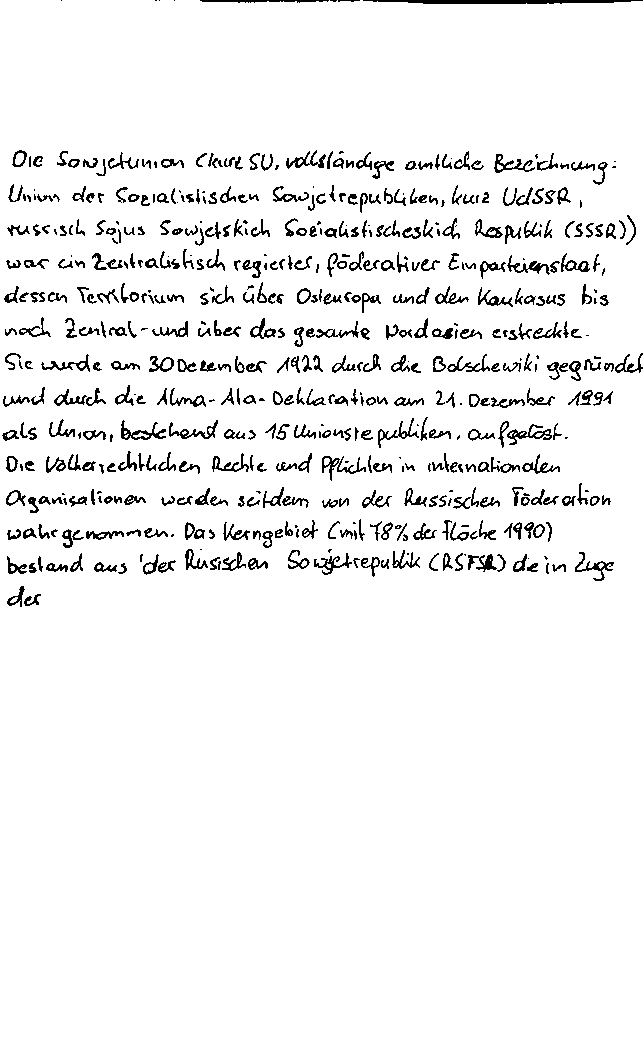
Die Sowjetunion (kurz SU, vollständige amtliche Bezeichnung
Union der Sozialistischen Sowjetrepubliken, kurz UdSSR,
russisch Sojus Sowjetskich Sozialistitscheskich Respublik (SSSR))
war ein zentralistisch regierter, föderativer Einparteienstaat,
dessen Territorium sich über Osteuropa und den Kaukasus bis
nach Zentral- und über das gesamte Nordasien erstreckte
Sie wurde am 30. Dezember 1922 durch die Bolschewiki gegründet
und durch die Alma-Ata-Deklaration am 21. Dezember 1991
als Union, bestehend aus 15 Unionsrepubliken, aufgelöst.
Die völkerrechtlichen Rechte und Pflichten in internationalen
Organisationen werden seitdem von der Russischen Föderation
Wahrgenommen. Das Kerngebiet (mit 78 % der Fläche 1990)
bestand aus der Russischen Sowjetrepublik (RSFSR), die im Zuge
der
